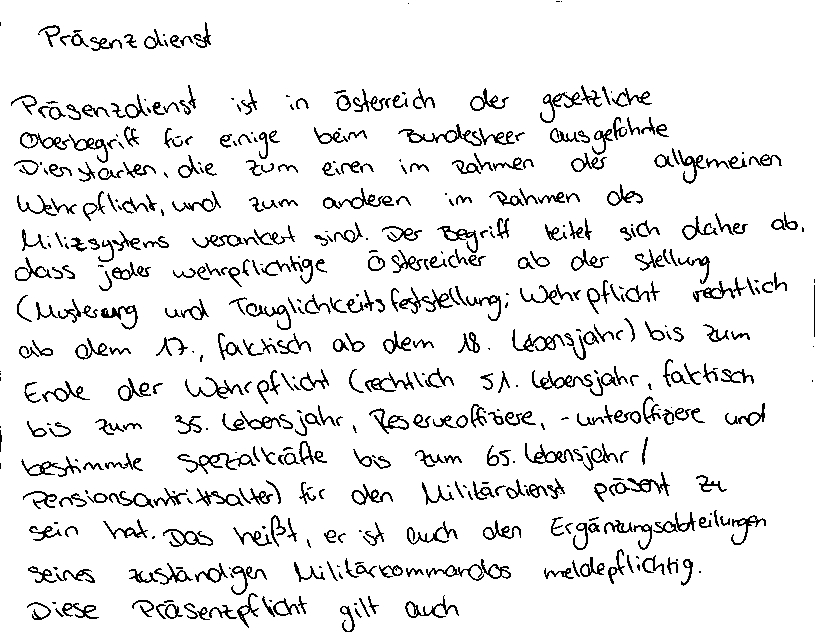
Präsenzdienst
Präsenzdienst ist in Österreich der gesetzliche
Oberbegriff für einige beim Bundesheer ausgeführte
Dienstarten, die zum einen im Rahmen der allgemeinen
Wehrpflicht, und zum anderen im Rahmen des
Milizsystems verankert sind. Der Begriff leitet sich daher ab.
dass jeder wehrpflichtige Österreicher ab der Stellung
(Musterung und Tauglichkeitsfeststellung; Wehrpflicht rechtlich
ab dem 17., faktisch ab dem 18. Lebensjahr) bis zum
Erde der Wehrpflicht (rechtlich 51. Lebensjahr, faktisch
bis zum 35. Lebensjahr, Reserveoffiziere, -unteroffiziere und
bestimmte Spezialkräfte bis zum 65. Lebensjahr
Pensionsantrittsalter) für den Militärdienst präsent zu
sein hat. Das heißt, er ist auch den Ergänzungsabteilungen
seines zuständigen Militärkommandos meldepflichtig.
Diese Präsenzpflicht gilt auch
